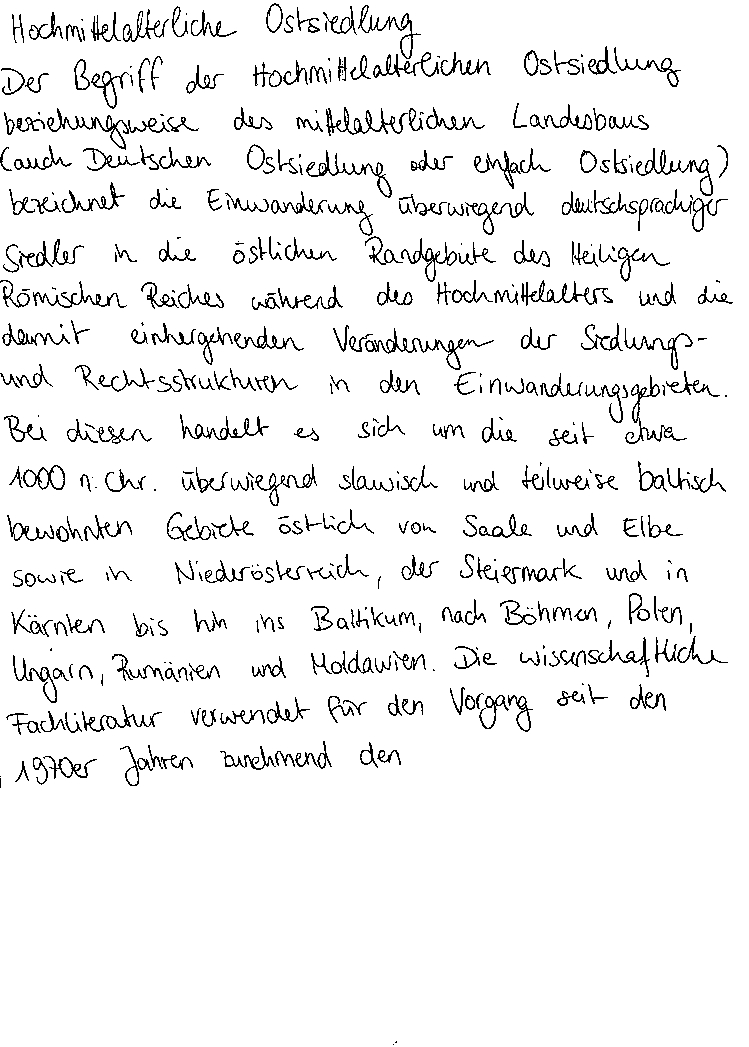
Hochmittelalterliche Ostsiedlung
Der Begriff der Hochmittelalterlichen Ostsiedlung
beziehungsweise des mittelalterlichen Landesbaus
(auch Deutschen Ostsiedlung oder einfach Ostsiedlung)
bezeichnet die Einwanderung überwiegend deutschsprachiger
Siedler in die östlichen Randgebiete des Heiligen
Römischen Reiches während des Hochmittelalters und die
damit einhergehenden Veränderungen der Siedlungs-
und Rechtsstrukturen in den Einwanderungsgebieten.
Bei diesen handelt es sich um die seit etwa
1000 n. Chr. überwiegend slawisch und teilweise baltisch
bewohnten Gebiete östlich von Saale und Elbe
sowie in Niederösterreich, der Steiermark und in
Kärnten bis hin ins Baltikum, nach Böhmen, Polen,
Ungarn, Rumänien und Moldawien. Die wissenschaftliche
Fachliteratur verwendet für den Vorgang seit den
1970er Jahren zunehmend den
